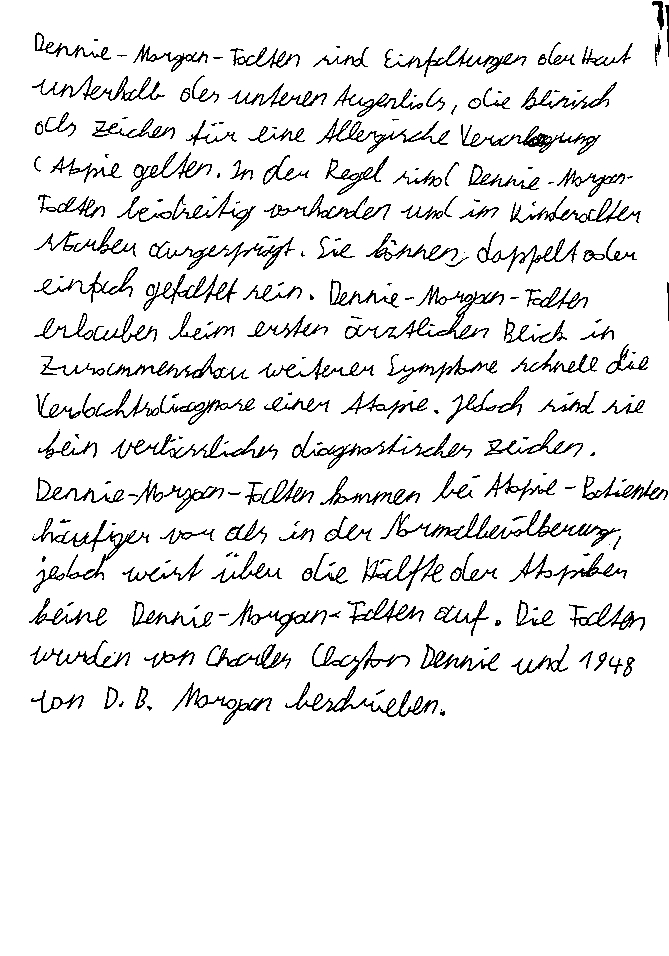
Dennie-Morgan-Falten sind Einfaltungen der Haut
unterhalb des unteren Augenlids, die klinisch
als Zeichen für eine Allergische Veranlagung
(Atopie gelten. In der Regel sind Dennie-Morgan-
Falten beidseitig vorhanden und im Kindesalter
stärker ausgeprägt. Sie können doppelt oder
einfach gefaltet sein. Dennie-Morgan-Falten
erlauben beim ersten ärztlichen Blick in
Zusammenschau weiterer Symptome schnell die
Verdachtsdiagnose einer Atopie. Jedoch sind sie
kein verlässliches diagnostisches Zeichen.
Dennie-Morgan-Falten kommen bei Atopie-Patienten
häufiger vor als in der Normalbevölkerung,
jedoch weist über die Hälfte der Atopiker
keine Dennie-Morgan- Falten auf. Die Falten
wurden von Charles Clayton Dennie und 1948
von D.B. Morgan beschrieben.
